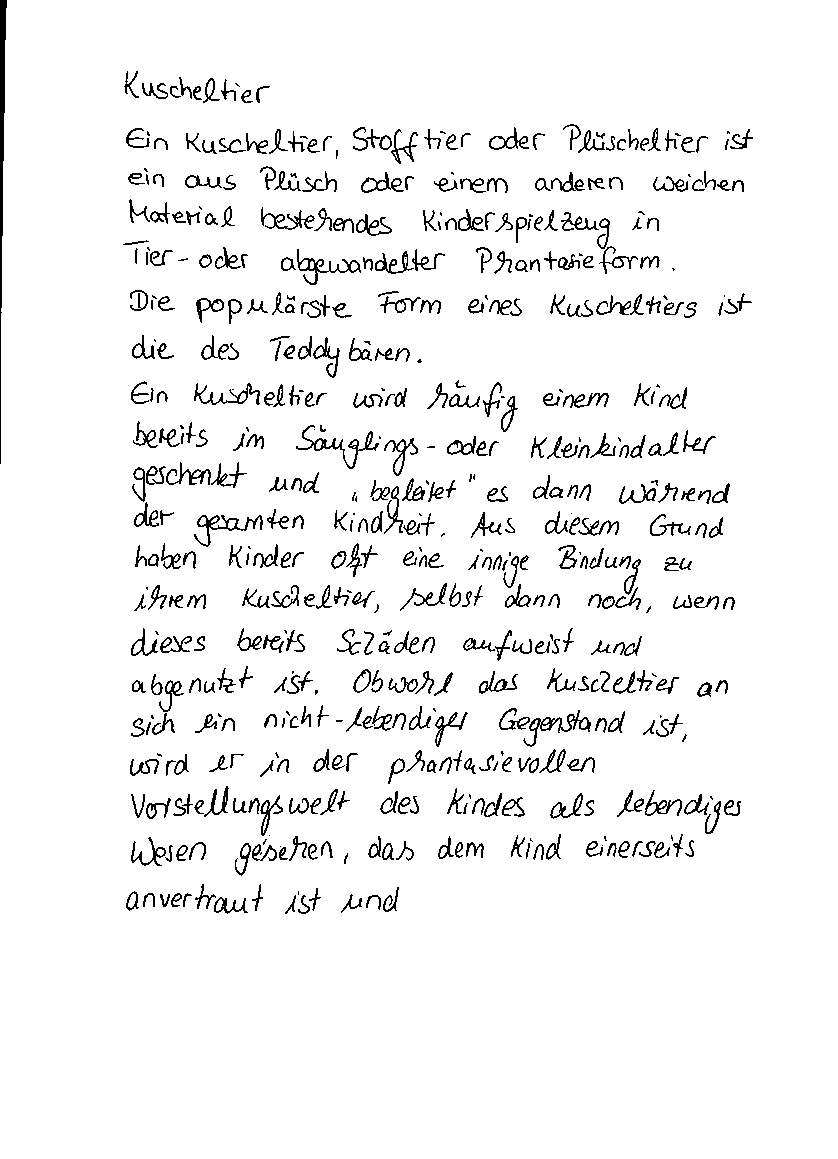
Kuscheltier
Ein Kuscheltier, Stofftier oder Plüschtier ist
ein aus Plüsch oder einem anderen weichen
Material bestehendes Kinderspielzeug in
Tier- oder abgewandelter Phantasieform.
Die populärste Form eines Kuscheltiers ist
die des Teddybären.
Ein Kuscheltier wird häufig einem Kind
bereits im Säuglings- oder Kleinkindalter
geschenkt und " begleitet" es dann während
der gesamten Kindheit. Aus diesem Grund
haben Kinder oft eine innige Bindung zu
ihrem Kuscheltier, selbst dann noch, wenn
dieses bereits Schäden aufweist und
abgenutzt ist. Obwohl das Kuscheltier an
sich ein nicht-lebendiger Gegenstand ist,
wird er in der phantasievollen
Vorstellungswelt des Kindes als lebendiges
Wesen gesehen, das dem Kind einerseits
anvertraut ist und
